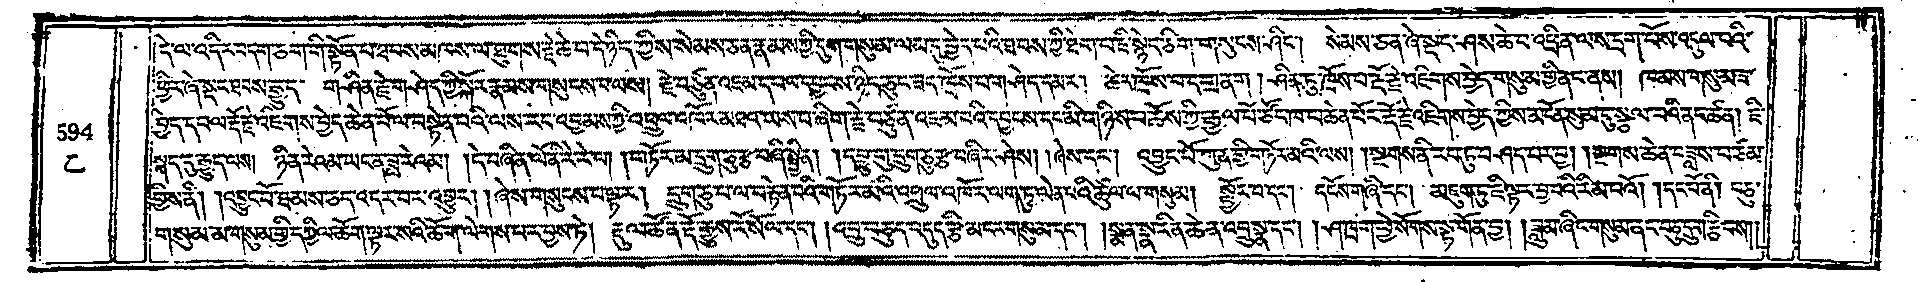དེ་ལ་འདིར་བདག་ཅག་གི་སྟོན་པ་ཐབས་མཁས་ལ་ཐུགས་རྗེ་ཆེ་བ་དེ་ཉིད་ཀྱིས་སེམས་ཅན་རྣམས་ཀྱི་དུག་གསུམ་ལམ་དུ་བྱེད་པའི་ཐབས་ཀྱི་ཐེག་པ་ཇི་སྙེད་ཅིག་གསུངས་ཤིང་། སེམས་ཅན་ཞེ་སྡང་ཤས་ཆེ་བ་འཕྲིན་ལས་དྲག་པོས་འདུལ་བའི་
ཕྱིར་ཞེ་སྡང་ཐབས་རྒྱུད་གཤིན་རྗེ་གཤེད་ཀྱི་སྐོར་རྣམས་གསུངས་པ་ལས། རྗེ་བཙུན་འཇམ་དཔལ་དབྱངས་ཉིད་ཅུང་ཟད་ཁྲོས་པ་གཤེད་དམར། ཆེར་ཁྲོས་པ་དགྲ་ནག །ཤིན་ཏུ་ཁྲོས་བ་རྡོ་རྗེ་འཇིགས་བྱེད་གསུམ་གྱི་ནང་ནས། ཁམས་གསུམ་ཟ་
བྱེད་དཔལ་རྡོ་རྗེ་འཇིགས་བྱེད་ཆེན་པོ་ལ་བསྟེན་པའི་ལས་རབ་འབྱམས་ཀྱི་འཕྲུལ་འཁོར་མཐའ་ཡས་པ་ཞིག་རྗེ་བཙུན་འཇམ་པའི་དབྱངས་དང་མི་གཉིས་པ་ཆོས་ཀྱི་རྒྱལ་པོ་ཙོང་ཁ་པ་ཆེན་པོར་རྡོ་རྗེ་འཇིགས་བྱེད་ཀྱིས་མངོན་སུམ་དུ་སྩལ་བའི་ནང་ཚན། ཇི་
སྐད་དུ་རྒྱུད་ལས། ཉིན་རེའམ་ཡང་ན་ཟླ་རེའམ། །དེ་བཞིན་ལོ་ནི་རེ་རེ་ལ། །གཏོར་མ་དྲུག་ཅུ་རྩ་བཞི་སྦྱིན། །དབྱུ་གུ་དྲུག་ཅུ་རྩ་བཞིར་ཤེས། །ཞེས་དང་། འབྱུང་པོ་ཀུན་གྱི་གཏོར་མའི་ལས། །སྔགས་ནི་རབ་ཏུ་བཤད་པར་བྱ། །སྔགས་ཆེན་བཟླས་པ་ཙམ་
གྱིས་ནི། །འབྱུང་པོ་ཐམས་ཅད་འདར་བར་འགྱུར། །ཞེས་གསུངས་པ་ལྟར། དྲུག་ཅུ་པ་ལ་བརྟེན་པའི་གཏོར་མའི་འཕྲུལ་འཁོར་ལག་ཏུ་ལེན་པའི་ཚུལ་ལ་གསུམ། སྦྱོར་བ་དང་། དངོས་གཞི་དང་། མཇུག་ཏུ་ཇི་ལྟར་བྱ་བའི་རིམ་པའོ། །དང་པོ་ནི། བཅུ་
གསུམ་མ་གསུམ་གྱི་དཀྱིལ་ཆོག་ལྟར་སའི་ཆོ་ག་ལེགས་པར་བྱས་ཏེ། རྡུལ་ཚོན་རྡོ་རྒྱུས་རོ་སོལ་དང་། །འབྲུ་བཅུད་བདུད་རྩི་མངར་གསུམ་དང་། །སྨན་སྣ་རིན་ཆེན་འབྲུ་སྣ་དང་། །ཤ་ཁྲག་ཕྱེ་སོགས་སྟ་གོན་བྱ། །ཟླུམ་ཞིང་གསུམ་ནང་བཅུ་དྲུག་རྩིབས།